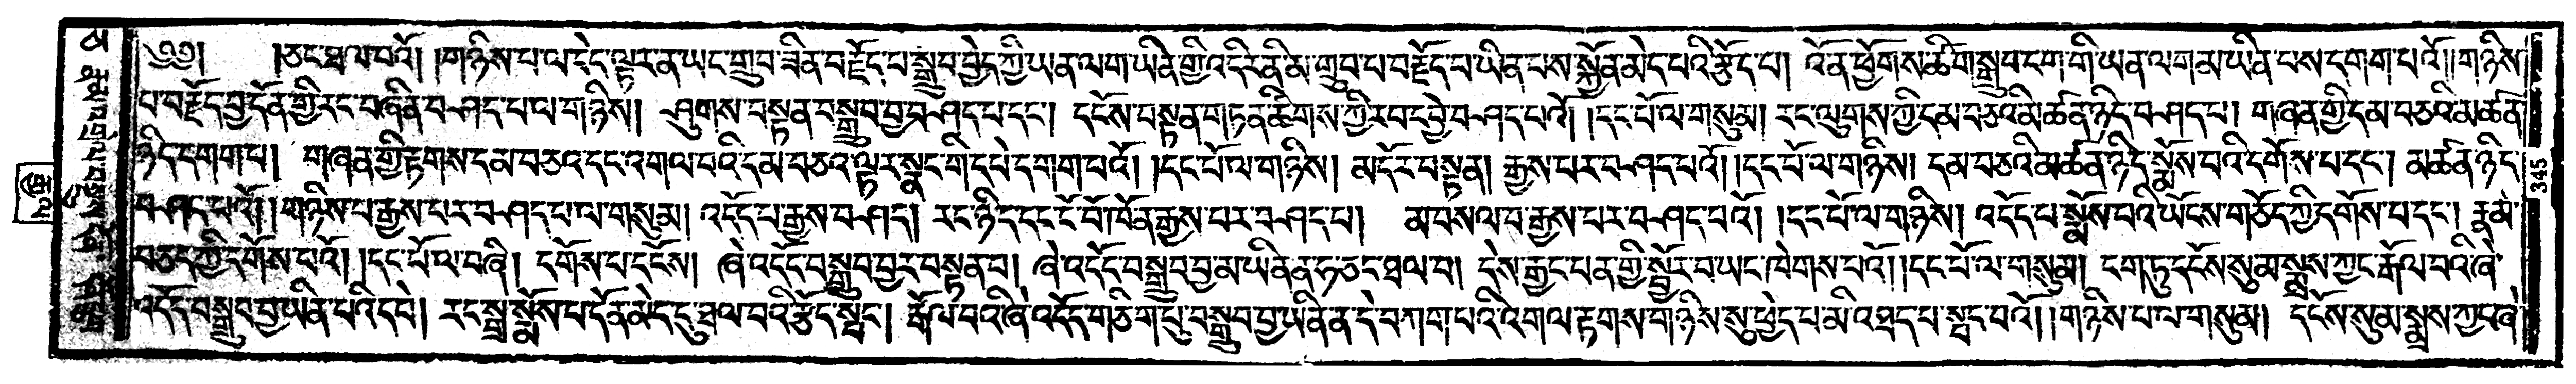༄༅། །ཅང་ཐལ་བའོ། །གཉིས་པ་ལ་དེད་ལྟར་ན་ཡང་གྲུབ་ཟིན་བརྗོད་པ་སྒྲུབ་བྱེད་ཀྱི་ཡན་ལག་ཡིན་གྱི་འདིར་ནི་མ་གྲུབ་པ་བརྗོད་པ་ཡིན་པས་སྐྱོན་མེད་པའི་རྩོད་པ། འོ་ན་ཕྱོགས་ཚིག་སྒྲུབ་ངག་གི་ཡན་ལག་མ་ཡིན་པས་དགག་པའོ། །གཉིས་
པ་བརྗོད་བྱ་དོན་གྱི་རང་བཞིན་བཤད་པ་ལ་གཉིས། ཤུགས་བསྟན་བསྒྲུབ་བྱ་བཤད་པ་དང་། དངོས་བསྟན་གཏན་ཚིགས་ཀྱི་རབ་དབྱེ་བཤད་པའོ། །དང་པོ་ལ་གསུམ། རང་ལུགས་ཀྱི་དམ་བཅའི་མཚན་ཉིད་བཤད་པ། གཞན་གྱི་དམ་བཅའི་མཚན་
ཉིད་དགག་པ། གཞན་གྱི་རྟགས་དམ་བཅའ་དང་འགལ་བའི་དམ་བཅའ་ལྟར་སྣང་གི་དཔེ་དགག་པའོ། །དང་པོ་ལ་གཉིས། མདོར་བསྟན། རྒྱས་པར་བཤད་པའོ། །དང་པོ་ལ་གཉིས། དམ་བཅའི་མཚན་ཉིད་སྨོས་པའི་དགོས་པ་དང་། མཚན་ཉིད་
བཤད་པའོ། །གཉིས་པ་རྒྱས་པར་བཤད་པ་ལ་གསུམ། འདོད་པ་རྒྱས་བཤད། རང་ཉིད་དང་ངོ་བོ་ཁོ་ན་རྒྱས་པར་བཤད་པ། མ་བསལ་བ་རྒྱས་པར་བཤད་པའོ། །དང་པོ་ལ་གཉིས། འདོད་པ་སྨོས་པའི་ཡོངས་གཅོད་ཀྱི་དགོས་པ་དང་། རྣམ་
བཅད་ཀྱི་དགོས་པའོ། །དང་པོ་ལ་བཞི། དགོས་པ་དངོས། ཞེ་འདོད་བསྒྲུབ་བྱར་བསྟན་པ། ཞེ་འདོད་བསྒྲུབ་བྱ་མ་ཡིན་ན་ཧ་ཅང་ཐལ་བ། དེས་རྒྱང་པན་གྱི་སྦྱོར་བ་ཡང་ཁེགས་པའོ། །དང་པོ་ལ་གསུམ། ངག་ཏུ་དངོས་སུ་མ་སྨྲས་ཀྱང་རྒོལ་བའི་ཞེ་
འདོད་བསྒྲུབ་བྱ་ཡིན་པའི་དཔེ། རང་སྒྲ་སྨོས་པ་དོན་མེད་དུ་ཐལ་བའི་རྩོད་སྤང་། རྒོལ་བའི་ཞེ་འདོད་གཅིག་པུ་བསྒྲུབ་བྱ་ཡིན་ན་དེ་བཀག་པའི་འགལ་རྟགས་གཉིས་སུ་ཕྱེད་པ་མི་འཐད་པ་སྤང་བའོ། །གཉིས་པ་ལ་གསུམ། དངོས་སུ་མ་སྨྲས་ཀྱང་ཞེ་